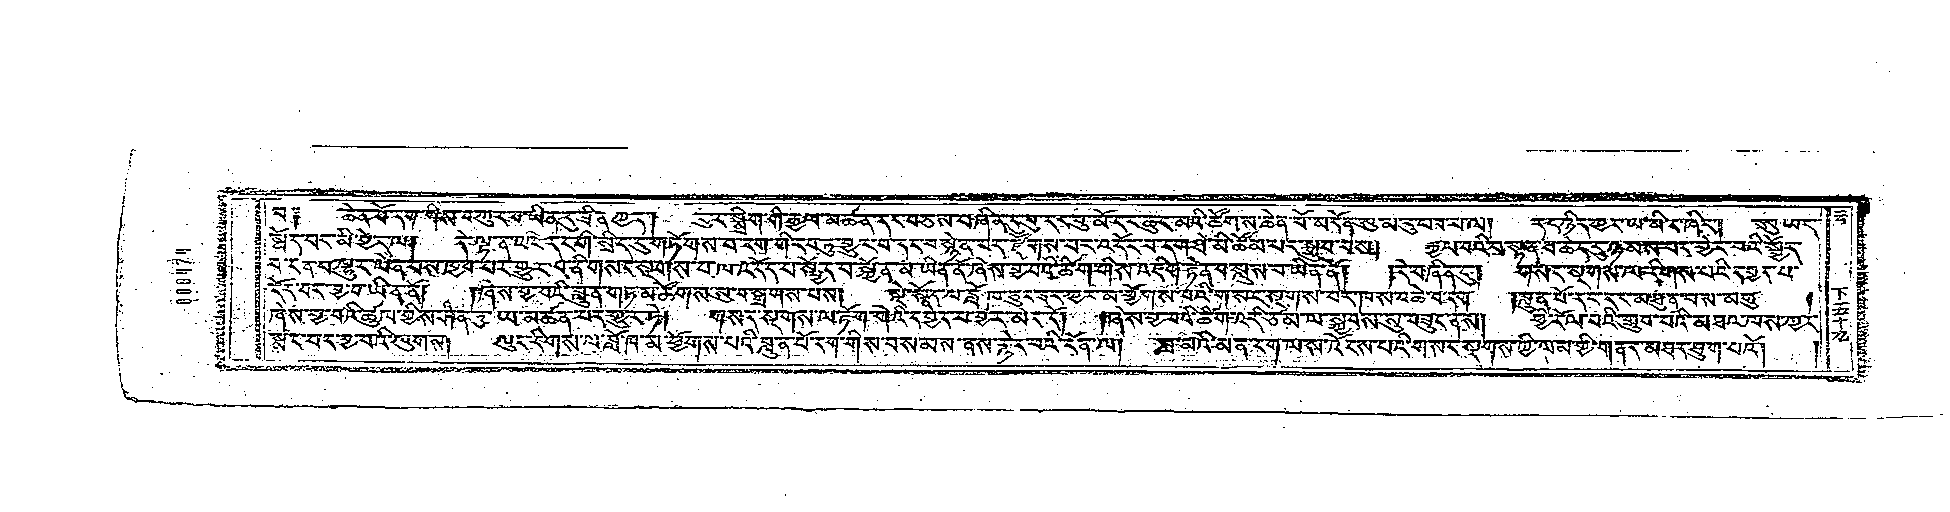བ༑ ཆེན་པོ་དག་གིས་བཀུར་བ་ཡིན་དུ་ཟིན་ཀྱང་། དུར་སྨྲིག་གི་རྒྱལ་མཚན་དང་བཅས་བཞིན་དུ་བུ་དང་བུ་མོ་དང་ཆུང་མའི་ཚོགས་ཆེན་པོ་མངོན་སུམ་དུ་བབ་པ་ལ། རང་ཉིད་ཀྱང་ཡ་མིང་ཞིང་། སུ་ཡང་
སྨོད་པར་མི་བྱེད་ལ། དེ་ལྟ་ན་ཡང་རང་གི་སྲིད་དུ་གཏོགས་པ་དག་གི་རབ་ཏུ་བྱུང་བ་དང་བསྙེན་པར་རྫོགས་པར་འདོད་པ་དག་ཐེ་མི་ཚོམ་པར་སྒྲུབ་པས། རྒྱལ་བའི་བསྟན་པ་ཆེད་དུ་ཉམས་བར་བྱེད་པའི་སྤྱོད་
བ་ངན་པ་ལྷུར་ལེན་བས་ཁྱབ་པར་གྱུར་པ་ནི་གསང་སྔགས་པ་ལ་འདོད་པ་སྤྱོད་པ་སྐྱོན་མ་ཡིན་ནོ་ཞེས་བྱ་བའི་ཚིག་གིས་འཇིག་རྟེན་བསླས་པས་ཡིན་ནོ། །དེ་བཞིན་དུ། གསང་སྔགས་ལ་རིགས་པའི་དཔྱད་པ་
ངོར་བར་བྱ་བ་ཡིན་ནོ། །ཞེས་བྱ་བའི་བླུན་གཏམ་ཚོགས་སུ་བསྒྲགས་པས། སྡེ་སྣོད་ལ་བློ་ཁ་ཅུང་ཟད་ཀྱང་མ་ཕྱོགས་པའི་གསང་སྔགས་པར་ཁས་འཆེ་བ་དག །བླུན་པོ་རང་དང་མཐུན་བས་མུག་
ཞེས་བྱ་བའི་ཚུལ་གྱིས་ཤིན་ཏུ་ཡ་མཚན་པར་གྱུར་ཏེ། གསང་སྔགས་ལ་རྟོག་གེའི་དཔྱད་པ་བྱར་མེད་དོ། །ཞེས་བྱ་བའི་ཚིག་འདི་ཙམ་ལ་སྐྱབས་སུ་བཟུང་ནས། ཕྱི་རོལ་པའི་གྲུབ་པའི་མཐའ་ལས་ཀྱང་
སྨད་བར་བྱ་བའི་ལུགས། ལུང་རིགས་ལ་བློ་ཁམ་ཕྱོགས་པའི་བླུན་པོ་དག་གིས་བསམས་ནས་རྙེད་པའི་དོན་ལ། བླ་མའི་མན་ངག་ལས་འོངས་པའི་གསང་སྔགས་ཀྱི་ལམ་གྱི་གནད་མཐར་ཐུག་པའོ། །